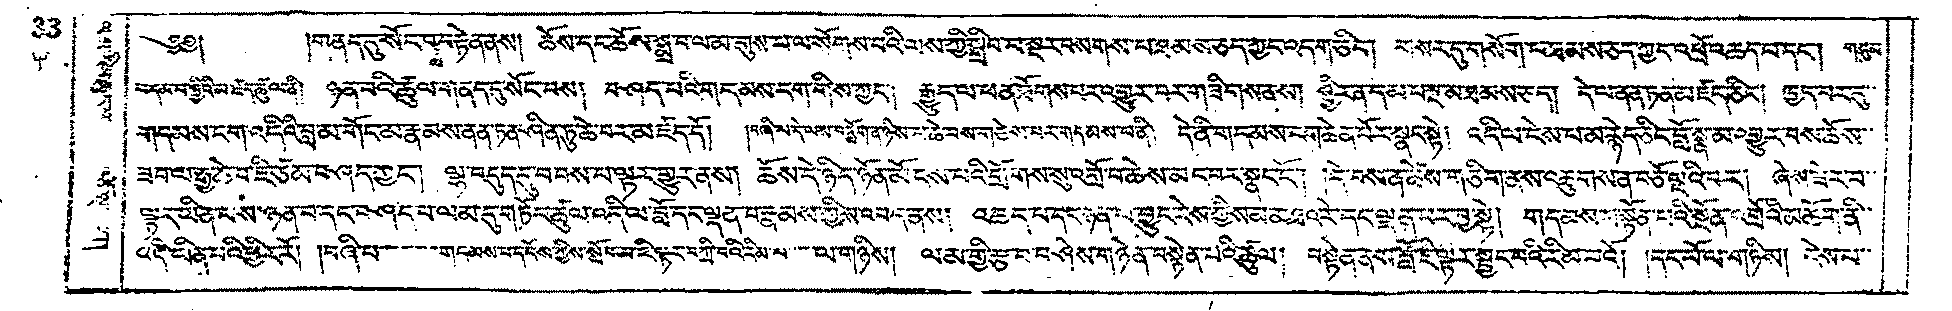༄༅། །གནད་དུ་སོང་བལ་བརྟེན་ནས། ཆོས་དང་ཆོས་སྨྲ་བ་ལ་མ་གུས་པ་ལ་སོགས་པའི་ལས་ཀྱི་སྒྲིབ་པ་སྔར་བསགས་པ་ཐམས་ཅད་ཀྱང་འདག་ཅིང་། གསར་དུ་གསོག་པ་ཐམས་ཅད་ཀྱང་འཕྲོ་འཆད་པ་དང་། གསུམ་
པ་དམ་པ་སྤྱིའི་མཛད་ཚུལ་ནི། ཉན་པའི་ཚུལ་གནད་དུ་སོང་བས། བཤད་པའི་གདམས་ངག་གིས་ཀྱང་། རྒྱུད་ལ་ཕན་ཐོགས་པར་འགྱུར་བར་གཟིགས་ནས། སྤྱིར་ན་དམ་པ་སྔ་མ་ཐམས་ཅད། དེ་ལ་ནན་ཏན་མཛད་ཅིང་། ཁྱད་པར་དུ་
གདམས་ངག་འདིའི་བླ་མ་གོང་མ་རྣམས་ནན་ཏན་ཤིན་ཏུ་ཆེ་བར་མཛད་དོ། ། བཞི་པ་དེ་ལས་བཟློག་ན་ཉིས་པ་ཆེ་བས་གཅེས་པར་གདམས་པ་ནི། དེ་ནི་གདམས་ངག་ཆེན་པོར་སྣང་སྟེ། འདི་ལ་ངེས་པ་མ་རྙེད་ཅིང་བློ་སྣ་མ་འགྱུར་བས་ཆོས་
ཟབ་ལ་རྒྱ་ཆེ་བ་ཇི་ཙམ་བཤད་ཀྱང་། ལྷ་བདུད་དུ་བབས་པ་ལྟར་གྱུར་ནས། ཆོས་དེ་ཉིད་ཉོན་མོངས་པའི་གྲོགས་སུ་འགྲོ་བ་ཆེས་མང་བར་སྣང་ངོ། །དེ་བས་ན་ཚེས་གཅིག་ནས་འཆུགས་ན་བཅོ་ལྔའི་བར། ཞེས་ཟེར་བ་
ལྟར་ཡིན་པས་ཉན་པ་དང་བཤད་པ་ལམ་དུ་གཏོང་ཚུལ་འདི་ལ་བློ་དང་ལྡན་པ་རྣམས་ཀྱིས་འབད་ནས། འཆད་པ་དང་ཉན་པ་བྱུང་རེས་ཀྱིས་མ་མཐའ་རེ་དང་ལྡན་པར་བྱ་སྟེ། གདམས་པ་སྟོན་པའི་སྔོན་འགྲོའི་མཆོག་ནི་
འདི་ཡིན་པའི་ཕྱིར་རོ། །བཞི་པགདམས་པ་དངོས་ཀྱིས་སློབ་མ་ཇི་ལྟར་བཀྲི་བའི་རིམ་པལ་གཉིས། ལམ་གྱི་རྩ་བ་བཤེས་གཉེན་བསྟེན་པའི་ཚུལ། བསྟེན་ནས་བློ་ཇི་ལྟར་སྦྱང་བའི་རིམ་པའོ། །དང་པོ་ལ་གཉིས། ངེས་པ་